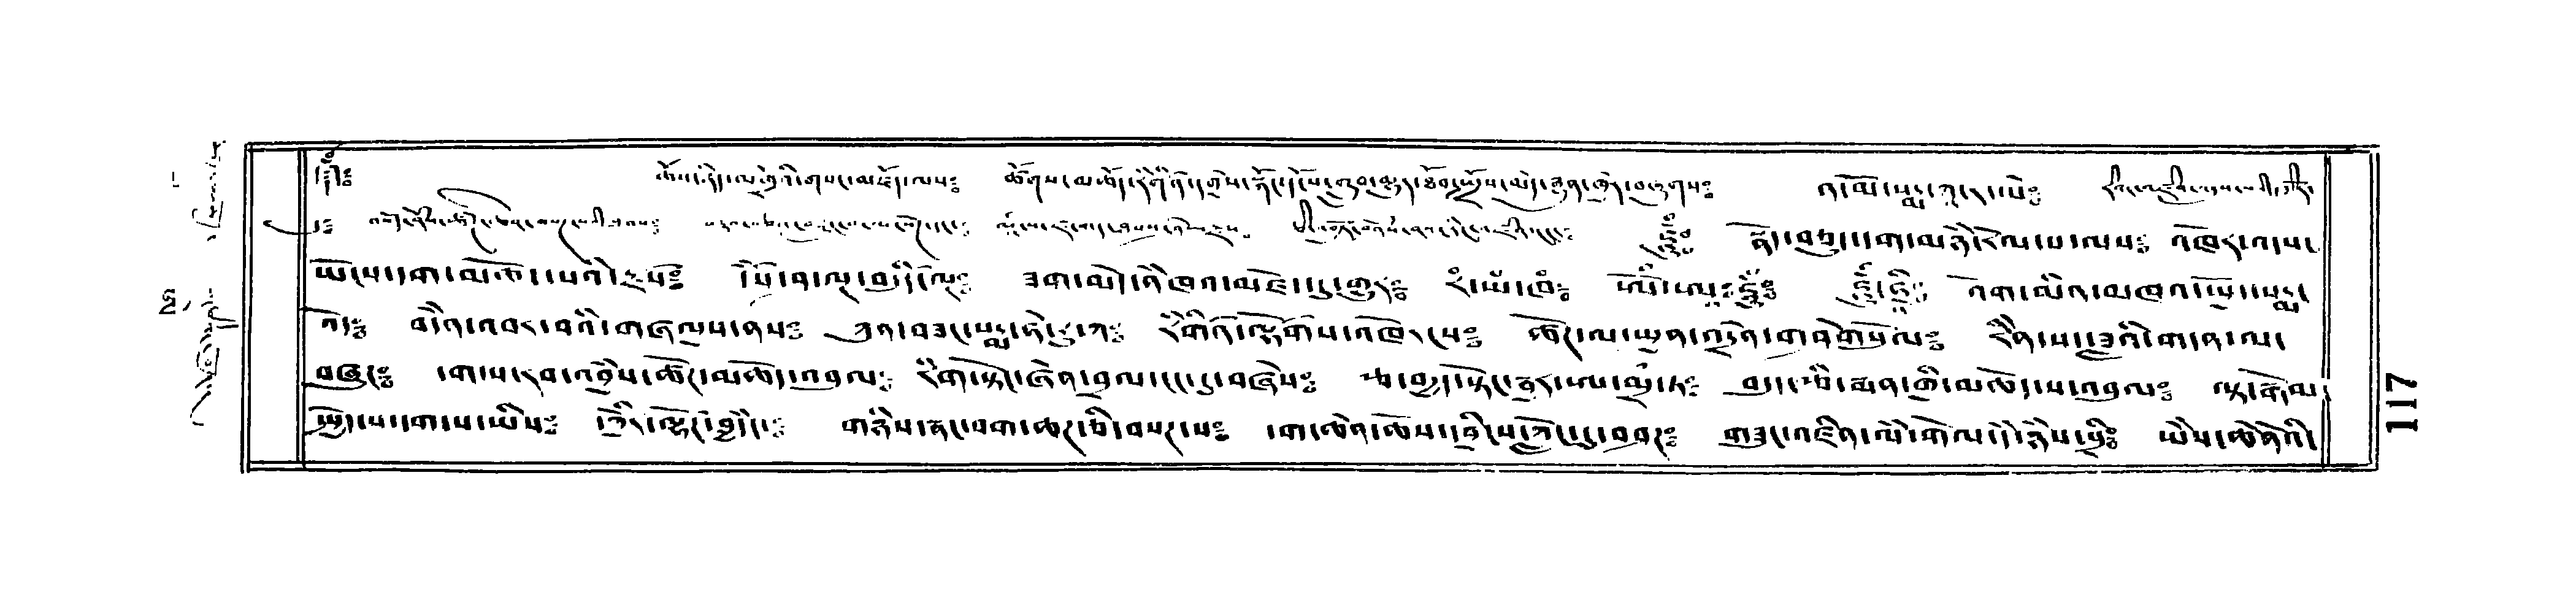ཆོས་ཉིད་མཁའ་འགྲོའི་གསང་མཛོད་ལས༔ ཚོགས་མཆོད་རིག་འཛིན་དགྱེས་སྐོང་དངོས་གྲུབ་མྱུར་ཐོབ་སྤྲོས་མེད་རྒྱུན་ཁྱེར་བཞུགས༔ ན་མོ་པདྨ་ཀཱ་ར་ཡེ༔ རིག་འཛིན་འདུས་པའི་དཀྱིལ་འཁོར་
དུ༔ བསོད་ནམས་ཚོགས་ཆེན་བསོག་པའི་ཐབས༔ བཟའ་བཅའ་བཏུང་བ་ལ་སོགས་དང༔ མཱཾ་ས་ཛ་གད་ཐབས་ཤེས་རྫས༔ ཅི་འབྱོར་བཤམས་ནས་ཏིང་འཛིན་ངང༔ ཧཱུྃ༔ སྣོད་བཅུད་དག་མཉམ་རོལ་པ་ལས༔ འཁོར་འདས་
ཡོངས་དག་མཆོད་པའི་རྫས༔ དམ་ཚིག་ཤ་ལྔ་བདུད་རྩི་ལྔ༔ ཟག་མེད་ནམ་མཁའ་མཛོད་དུ་གྱུར༔ རཾ་ཡཾ་ཁཾ༔ ཨོཾ་ཨཱཿཧཱུྃ༔ ཧཱུྃ་ཧྲཱིཿ འོག་མིན་མཁའ་སྤྱོད་པདྨ་
འོད༔ བདེ་ཆེན་འབར་བའི་གཞལ་ཡས་ནས༔ ཀུན་བཟང་པདྨ་ཧེ་རུ་ཀ༔ རིག་འཛིན་ལྷ་ཚོགས་འཁོར་དང་བཅས༔ ཚོགས་ལ་སྤྱན་འདྲེན་གཤེགས་སུ་གསོལ༔ རིན་ཆེན་པད་ཟླའི་གདན་ལ་
བཞུགས༔ དག་པ་རབ་འབྱམས་ཚོགས་མཆོད་འབུལ༔ རིག་སྟོང་ཞེན་བྲལ་ངང་དུ་བཞེས༔ རྩ་བརྒྱད་སྟོང་སྦྱར་ཨ་མྲྀ་ཏ༔ བདུད་རྩི་སྨན་གྱི་མཆོད་པ་འབུལ༔ ལྷ་སྒོམ་
སྤྱོད་པ་དག་པ་ཡིས༔ དཀྱིལ་འཁོར་ལྷ་ཚོགས་ཐུགས་དམ་བསྐང༔ གཉིས་སྣང་བག་ཆགས་ཅི་བསགས་པ༔ དག་ཆེན་ཆོས་དབྱིངས་ཀློང་དུ་བཤགས༔ གཟུང་འཛིན་ལམ་གོལ་དམ་ཉམས་སྲི༔ ཡེ་ཤེས་ཆེན་པོའི་